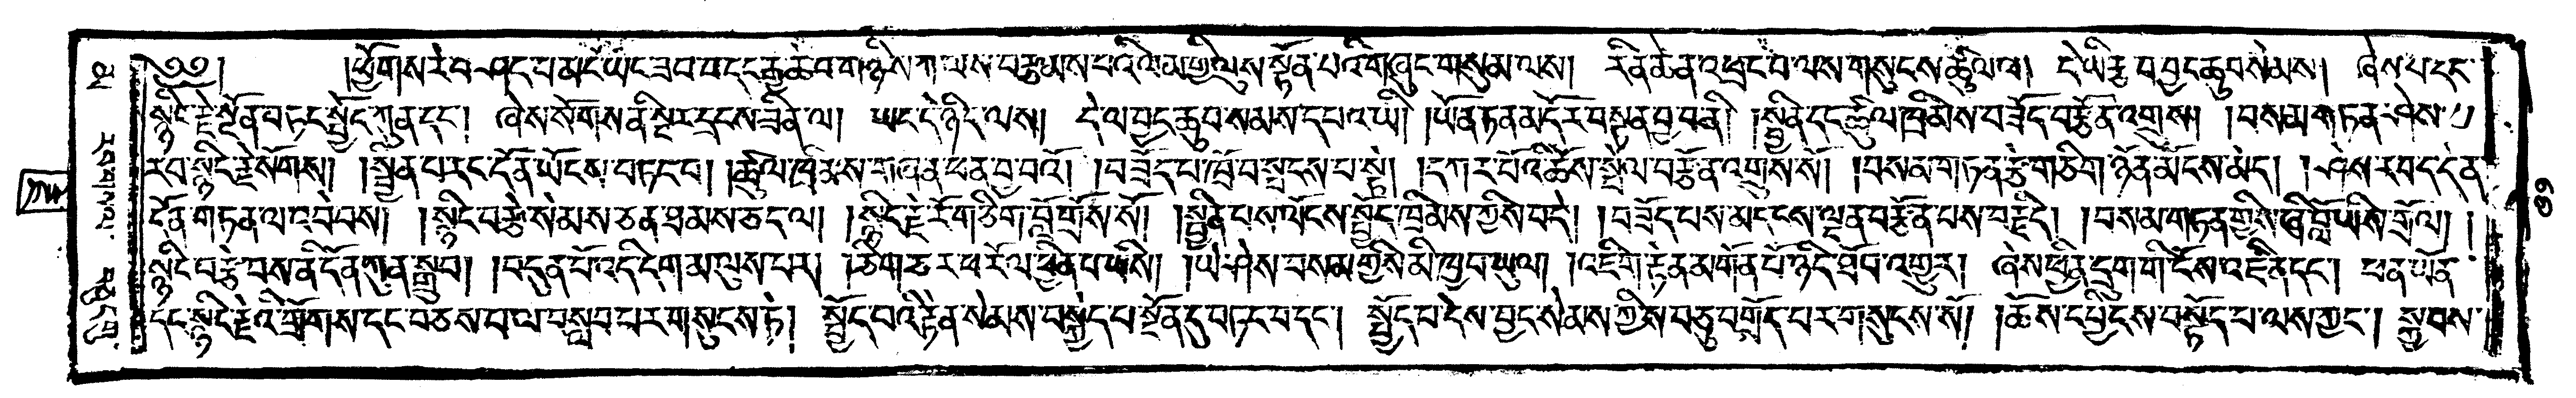༄༅། །ཕྱོགས་རེ་བཤད་པ་མང་ཡང་ཟབ་པ་དང་རྒྱ་ཆེ་བ་གཉིས་ཀ་ལས་བརྩམས་པའི་ལམ་གྱི་ལུས་སྟོན་པའི་གཞུང་གསུམ་ལས། རིན་ཆེན་འཕྲེང་བ་ལས་གསུངས་ཚུལ་ལ། དེ་ཡི་རྩ་བ་བྱང་ཆུབ་སེམས། །ཞེས་པ་དང་།
སྙིང་རྗེ་སྔོན་བཏང་སྤྱོད་ཀུན་དང་། ཞེས་སོགས་ནི་སྔར་དྲངས་ཟིན་ལ། ཡང་དེ་ཉིད་ལས། དེ་ལ་བྱང་ཆུབ་སེམས་དཔའ་ཡི། །ཡོན་ཏན་མདོར་བསྟན་བྱ་བ་ནི། །སྦྱིན་དང་ཚུལ་ཁྲིམས་བཟོད་བརྩོན་འགྲུས། །བསམ་གཏན་ཤེས་
རབ་སྙིང་རྗེ་སོགས། །སྦྱིན་པ་རང་དོན་ཡོངས་བཏང་བ། །ཚུལ་ཁྲིམས་གཞན་ཕན་བྱ་བའོ། །བཟོད་པ་ཁྲོ་བ་སྤངས་པ་སྟེ། །དཀར་པོའི་ཆོས་སྤེལ་བརྩོན་འགྲུས་སོ། །བསམ་གཏན་རྩེ་གཅིག་ཉོན་མོངས་མེད། །ཤེས་རབ་བདེན་
དོན་གཏན་ལ་འབེབས། །སྙིང་བརྩེ་སེམས་ཅན་ཐམས་ཅད་ལ། །སྙིང་རྗེ་རོ་གཅིག་བློ་གྲོས་སོ། །སྦྱིན་པས་ལོངས་སྤྱོད་ཁྲིམས་ཀྱིས་བདེ། །བཟོད་པས་མདངས་ལྡན་བརྩོན་པས་བརྗིད། །བསམ་གཏན་གྱིས་ཞི་བློ་ཡིས་གྲོལ།།
སྙིང་བརྩེ་བས་ནི་དོན་ཀུན་སྒྲུབ། །བདུན་པོ་འདི་དག་མ་ལུས་པར། །ཅིག་ཅར་ཕ་རོལ་ཕྱིན་པ་ཡིས། །ཡེ་ཤེས་བསམ་གྱིས་མི་ཁྱབ་ཡུལ། །འཇིག་རྟེན་མགོན་པོ་ཉིད་ཐོབ་འགྱུར། ཞེས་ཕྱིན་དྲུག་གི་ངོས་འཛིན་དང་། །ཕན་ཡོན་
དང་སྙིང་རྗེའི་གྲོགས་དང་བཅས་པ་ལ་བསླབ་པར་གསུངས་ཏེ། སྤྱོད་པའི་རྟེན་སེམས་བསྐྱེད་པ་སྔོན་དུ་བཏང་བ་དང་། སྤྱོད་པ་དེས་བྱང་སེམས་ཀྱི་ས་བཅུ་བགྲོད་པར་གསུངས་སོ། །ཆོས་དབྱིངས་བསྟོད་པ་ལས་ཀྱང་། སྐྱབས་